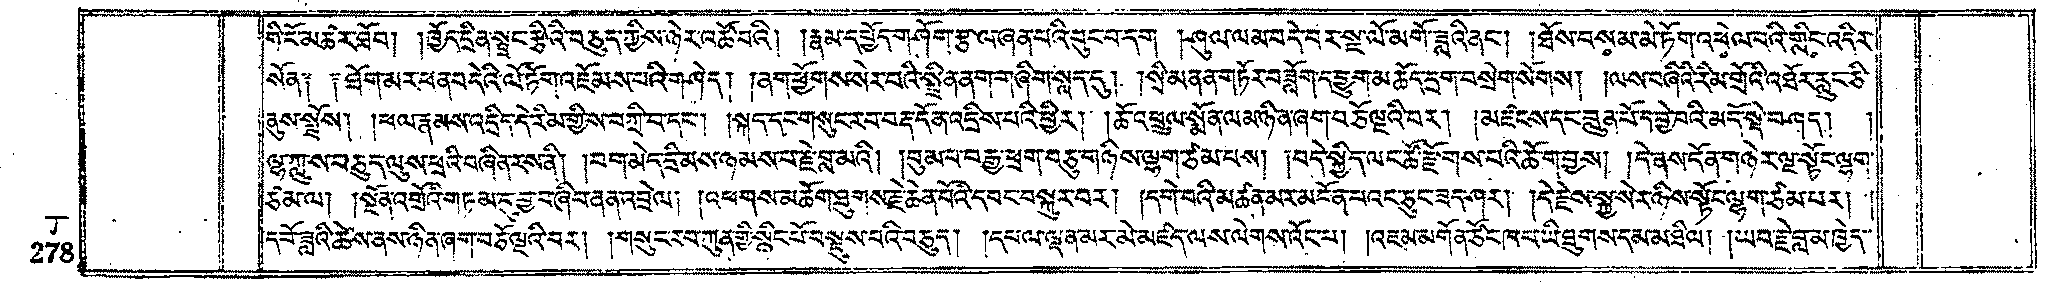གི་ངོ་མཚར་ཐོབ། །ཁྱོད་དྲིན་སྦྲང་རྩིའི་བཅུད་ཀྱིས་ཉེར་འཚོ་བའི། །རྣམ་དཔྱོད་གཤོག་རྩལ་ཞན་པའི་བུང་བ་དག །ཤུལ་ལམ་བདེ་བར་སྔ་ལོ་མགོ་ཟླའི་ནང་། །ཐོས་བསམ྾་མེ་ཏོག་འཕེལ྾་བའི་གླིང྾་འདིར་
སོན༑ ༑ཐོག་མར་ཕན་བདེའི་ལོ་ཏོག་འཇོམས་པའི་གཤེད། །ནག་ཕྱོགས་སེར་བའི་སྤྲིན་ནག་གཞིག་སླད་དུ། །སྲི་མནན་གཏོར་བཟློག་དབྱུག་མཆོད་དྲག་བསྲེག་སོགས། །ལས་བཞིའི་རིམ་གྲོའི་འཐོར་རླུང་ཅི་
ནུས་སྤྲོས། །ཕལ་རྣམས་འདྲིད་དེ་རིམ་གྱིས་བཀྲི་བ་དང་། །སྐད་དང་གསུང་རབ་བརྡ་དོན་འདྲིས་པའི་ཕྱིར། །ཆོ་འཕྲུལ་སྨོན་ལམ་ཉིན་ཞག་བཅོ་ལྔའི་བར། །མཛངས་དང་བླུན་པོ་དབྱེ་བའི་མདོ་སྡེ་བཤད། །
ལྷ་ཀླུ་ས་བཅུད་ལུས་ཕྲའི་བཞིན་རས་ནི། །བག་མེད་དྲི་མས་ཉམས་པ་རྗེ་བླ་མའི། །བུམ་པ་བརྒྱ་ཕྲག་བཅུ་གཉིས་ལྷག་ཙམ་པས། །བདེ་སྐྱིད་ལང་ཚོ་རྫོགས་པའི་ཆོ་ག་བྱས། །དེ་ནས་དོན་གཉེར་ལྔ་སྟོང་ལྷག་
ཙམ་ལ། །སྔོན་འགྲོའི་གཏམ་དུ་བྱ་བ་ཞིབ་ནན་འབྲེལ། །འཕགས་མཆོག་ཐུགས་རྗེ་ཆེན་པོའི་དབང་བསྐུར་བར། །དགེ་བའི་མཚན་མར་མངོན་པའང་ཅུང་ཟད་ཤར། །དེ་རྗེས་སྐྱ་སེར་ཉིས་སྟོང་ལྷག་ཙམ་པར། །
དབོ་ཟླའི་ཚེས་ནས་ཉིན་ཞག་བཅོ་ལྔའི་བར། །གསུང་རབ་ཀུན་གྱི་སྙིང་པོ་བསྡུས་པའི་བཅུད། །དཔལ་ལྡན་མར་མེ་མཛད་ལས་ལེགས་འོང་པ། །འཇམ་མགོན་ཙོང་ཁ་པ་ཡི་ཐུགས་དམ་མཐིལ། །ཡབ་རྗེ་བླ་མ་ཁྱེད་་་